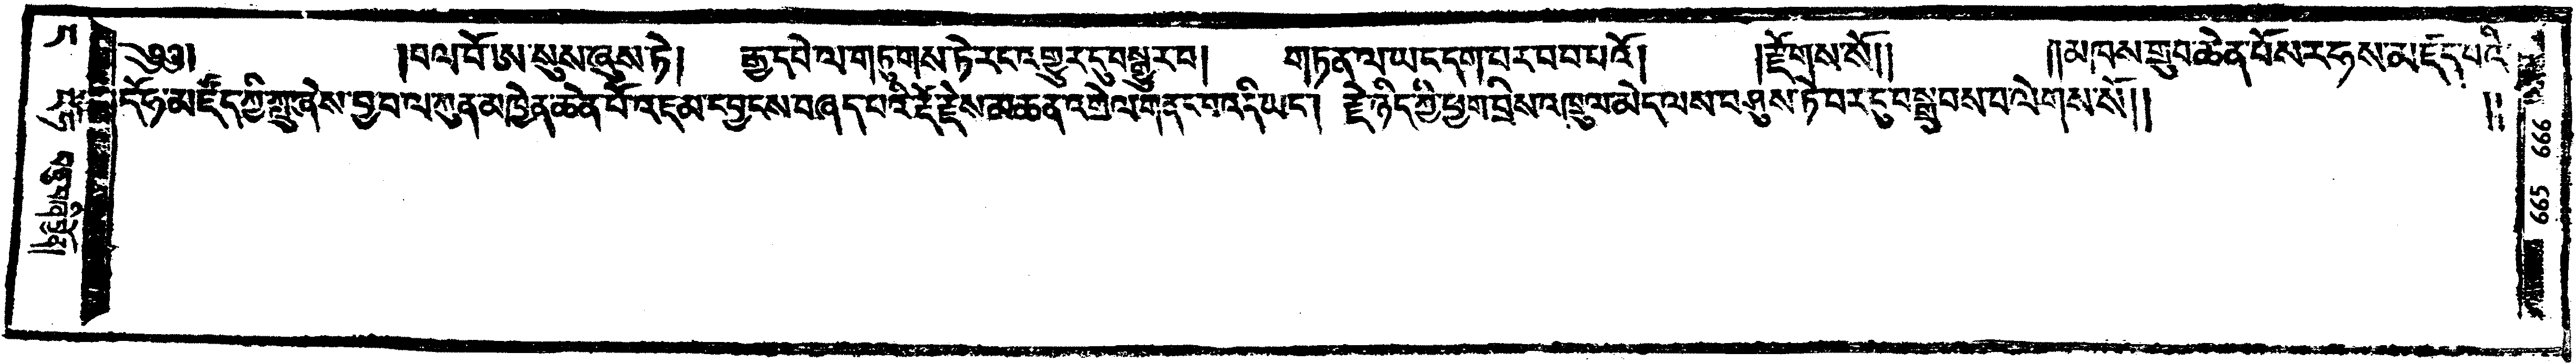༄༅། །བལ་བོ་ཨ་སུས་ཞུས་ཏེ། རྒྱ་དཔེ་ལ་གཏུགས་ཏེ་རང་འགྱུར་དུ་བསྒྱུར་བ། གཏན་ལ་ཡང་དག་པར་བབ་པའོ། །རྫོགས་སོ།། །།མཁས་གྲུབ་ཆེན་པོ་སར་ཧས་མཛད་པའི་
དོ་ཧ་མཛོད་ཀྱི་ཀླུ་ཞེས་བྱ་བ་ལ་ཀུན་མཁྱེན་ཆེན་པོ་འཇམ་དབྱངས་བཞད་པའི་རྡོ་རྗེས་མཆན་འགྲེལ་གནང་བ་འདི་ཡང་། རྗེ་ཉིད་ཀྱི་ཕྱག་བྲིས་འཁྲུལ་མེད་ལས་བཤུས་ཏེ་བར་དུ་བསྒྲུབས་བ་ལེགས་སོ།། །།